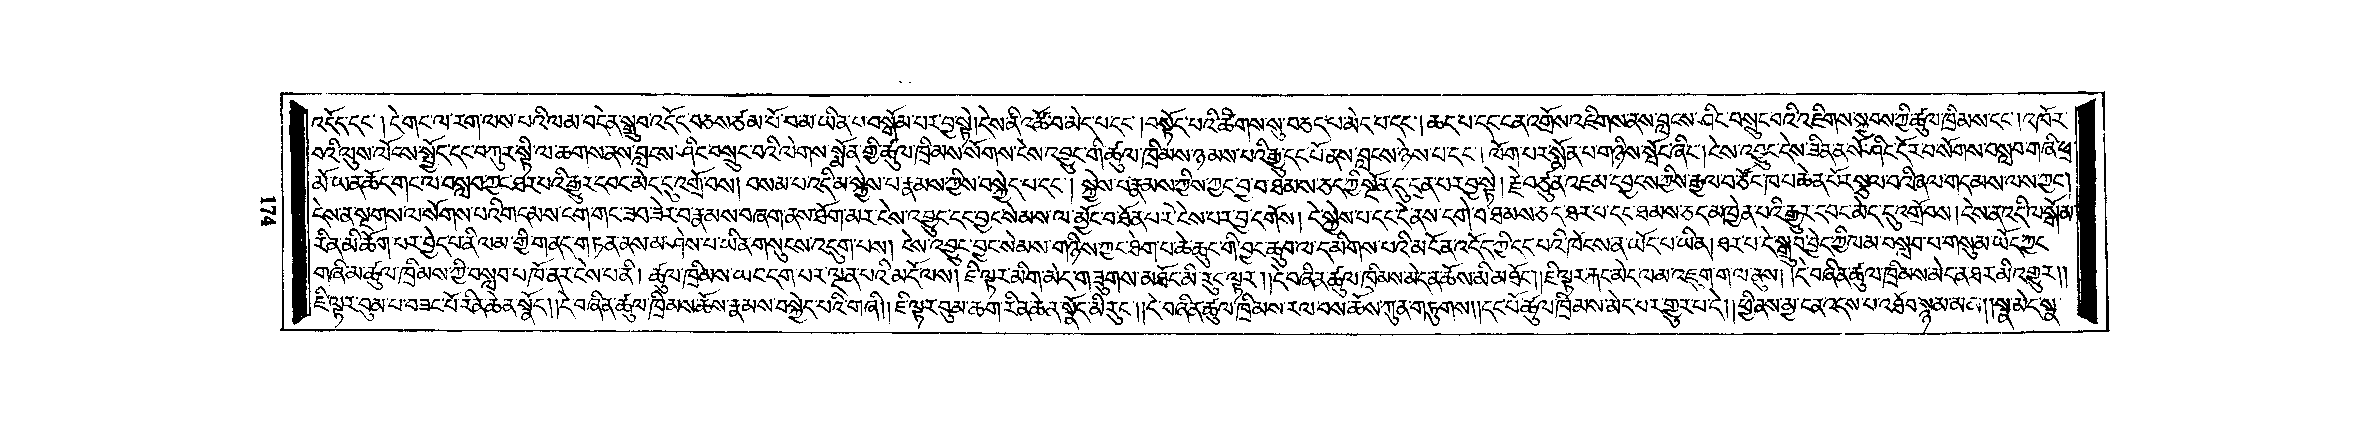འདོད་དང་། དེ་གང་ལ་རག་ལས་པའི་ལམ་བདེན་སྒྲུབ་འདོད་བཅས་ཙམ་པོ་བམ་ཡིན་པ་བསྒོམ་པར་བྱ་སྟེ། དེས་ནི་འཚོ་བ་མེད་པ་དང་། བསྟོད་པའི་ཚིགས་སུ་བཅད་པ་མེད་པ་དང་། ཆད་པ་དང་ངན་འགྲོས་འཇིགས་ནས་བླངས་ཤིང་བསྲུང་བའི་འཇིགས་སྐྱབས་ཀྱི་ཚུལ་ཁྲིམས་དང་། འཁོར་
བའི་ལུས་ལོངས་སྤྱོད་དང་བཀུར་སྟི་ལ་ཆགས་ནས་བླངས་ཤིང་བསྲུང་བའི་ལེགས་སྨོན་གྱི་ཚུལ་ཁྲིམས་སོགས་ངེས་འབྱུང་གི་ཚུལ་ཁྲིམས་ཉམས་པའི་རྒྱུ་དང་པོ་ནས་བླངས་ཉེས་པ་དང་། ལོག་པར་སྨོན་པ་གཉིས་སྤོང་ཞིང་། ངེས་འབྱུང་དེས་ཟིན་ན་སོ་ཤིང་དོར་བ་སོགས་བསླབ་གཞི་ཕྲ་
མོ་ཡན་ཆོད་གང་ལ་བསླབ་ཀྱང་ཐར་པའི་རྒྱུར་དབང་མེད་དུ་འགྲོ་བས། བསམ་པ་འདི་མ་སྐྱེས་པ་རྣམས་ཀྱིས་བསྐྱེད་པ་དང་། སྐྱེས་པ་རྣམས་ཀྱིས་ཀྱང་བྱ་བ་ཐམས་ཅད་ཀྱི་སྔོན་དུ་དྲན་པར་བྱ་སྟེ། རྗེ་བཙུན་འཇམ་དབྱངས་ཀྱིས་རྒྱལ་བ་ཙོང་ཁ་པ་ཆེན་པོར་སྩལ་བའི་ཞལ་གདམས་ལས་ཀྱང་།
དེས་ན་སྔགས་ལ་སོགས་པའི་གདམས་ངག་གང་ཟབ་ཟེར་བ་རྣམས་བཞག་ནས་ཐོག་མར་ངེས་འབྱུང་དང་བྱང་སེམས་ལ་མྱོང་བ་ཐོན་པ་རེ་ངེས་པར་བྱ་དགོས། དེ་སྐྱེས་པ་དང་དེ་ནས་དགེ་བ་ཐམས་ཅད་ཐར་པ་དང་ཐམས་ཅད་མཁྱེན་པའི་རྒྱུར་དབང་མེད་དུ་འགྲོ་བས། དེས་ན་འདི་ལ་སྒོམ་
རིན་མི་ཆོག་པར་བྱེད་པ་ནི་ལམ་གྱི་གནད་གཏན་ནས་མ་ཤེས་པ་ཡིན་གསུངས་འདུག་པས། ངེས་འབྱུང་བྱང་སེམས་གཉིས་ཀྱང་ཐེག་པ་ཆེ་ཆུང་གི་བྱང་ཆུབ་ལ་དམིགས་པའི་མངོན་འདོད་ཀྱི་དད་པའི་ཁོངས་ན་ཡོད་པ་ཡིན། ཐར་པ་དེ་སྒྲུབ་བྱེད་ཀྱི་ལམ་བསླབ་པ་གསུམ་ཡོད་ཀྱང་
གཞི་མ་ཚུལ་ཁྲིམས་ཀྱི་བསླབ་པ་ཁོ་ནར་ངེས་པ་ནི། ཚུལ་ཁྲིམས་ཡང་དག་པར་ལྡན་པའི་མདོ་ལས། ཇི་ལྟར་མིག་མེད་གཟུགས་མཐོང་མི་རུང་ལྟར། །དེ་བཞིན་ཚུལ་ཁྲིམས་མེད་ན་ཆོས་མི་མཐོང་། །ཇི་ལྟར་རྐང་མེད་ལམ་འཇུག་ག་ལ་ནུས། །དེ་བཞིན་ཚུལ་ཁྲིམས་མེད་ན་ཐར་མི་འགྱུར། །
ཇི་ལྟར་བུམ་པ་བཟང་པོ་རིན་ཆེན་སྣོད། །དེ་བཞིན་ཚུལ་ཁྲིམས་ཆོས་རྣམས་བསྐྱེད་པའི་གཞི། །ཇི་ལྟར་བུམ་ཆག་རིན་ཆེན་སྣོད་མི་རུང་། །དེ་བཞིན་ཚུལ་ཁྲིམས་རལ་བས་ཆོས་ཀུན་གཏུགས། །དང་པོ་ཚུལ་ཁྲིམས་མེད་པར་གྱུར་པ་དེ། །ཕྱི་ནས་མྱ་ངན་འདས་པ་འཐོབ་སྙམ་མམ། །སྣ་མེད་སྣ་